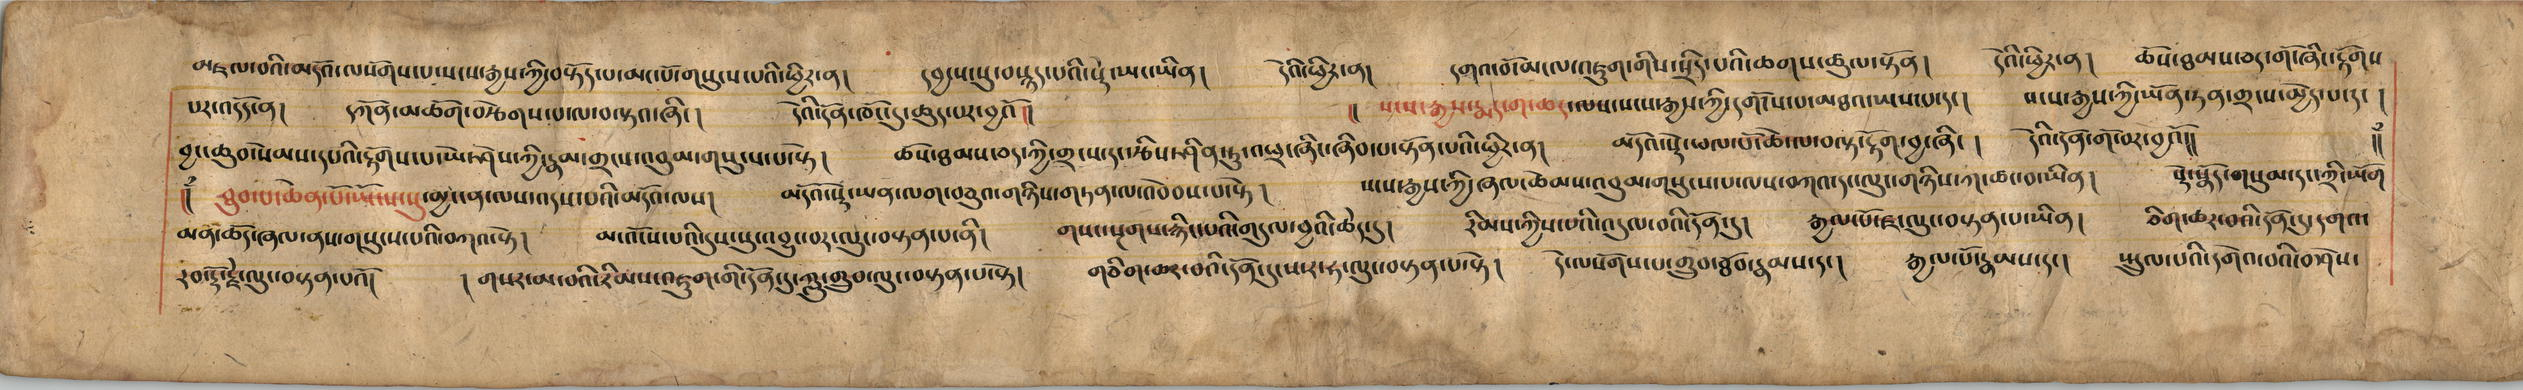མཇལ་བའི་མདོའ་ལ་སོགས་པ་སངས་རྒྱས་ཀྱི་བསྟོད་པ་མང་པོ་གསུངས་པའི་ཕྱིར་ན། དབྱངས་སུ་བསྙད་པའི་སྡེ་ཡང་ཡིན། དེའི་ཕྱིར་ན། དགའ་བོ་མངལ་འཇུག་གིས་སྲིད་པའི་ཆགས་ཚུལ་སྟོན། དེའི་ཕྱིར་ན། ཆོས་ཐམས་ཅད་གོ་ཞིང་རྟོགས
པར་འདོད་ན། དཀོན་མཆོག་བརྩེགས་པ་ལ་བལྟའ་ཞི་། དེའི་དོན་ཁོང་དུ་ཆུད་པར་བྱའོ་།། ། སངས་རྒྱས་རྨད་ག་ཆད་ལས་སངས་རྒྱས་ཀྱི་དགོངས་པ་མཐའ་ཡས་པ་དངདད་། སངས་རྒྱས་ཀྱི་ཡོན་ཏན་གྲངས་མྱེད་པ་དང་ །
བྱང་ཆུབ་སེམས་དཔའི་རྟོགས་པ་ཡེ་ཤེས་ཀྱི་རྣམ་གྲངས་འབུམ་གསུངས་པ་སྟེ། ཆོས་ཐམས་ཅད་ཀྱི་གྲངས་དང་རྩིས་ཤིན་ཏུ་འཕྲ་ཞིང་ཞིབ་པ་སྟོན་པའི་ཕྱིར་ན། མདོའ་སྡེ་ཕལ་པོ་ཆེ་ལ་བལྟ་རྟོག་བྱ་ཞིང ། དེའི་དོན་གོ་བར་བྱའོ།།
།། ཐུབ་པ་ཆེན་པོ་ཡོངས་སུ་མྱ་ངན་ལས་འདས་པའི་མདོའ་ལས། མདོའ་སྡེ་ཡན་ལག་བཅུའ་གཉིས་གཏན་ལ་འབེབས་པ་སྟེ ། སངས་རྒྱས་ཀྱི་ཞལ་ཆེམས་འབུམ་གསུངས་པ་ལས་བཀའ་དང་ལུང་གཉིས་ཀ་ཚང་བ་ཡིན། སྡེ་སྣོད་གསུམ་དང་ཀྲི་ཡོག
མན་ཆོད་ཞལ་ནས་གསུངས་པའི་བཀའ་སྟེ། མ་འོངས་པའི་དུས་སུ་འབྱུང་བར་ལུང་བསྟན་པ་ནི། གསང་སྔགས་རྙིང་པའི་གདུལ་བྱའི་ཆེད་དུ། རིམས་ཀྱིས་པའི་འདུལ་བའི་དོན་དུ། རྒྱལ་པོ་ཛ་ལུང་བསྟན་པ་ཡིན། ཅིག་ཆར་བའི་དོན་དུ་དགའ་
རབ་རྡོ་རྗེ་ལུང་བསྟན་པའོ། ། གསར་མ་བའི་རིམས་འཇུག་གི་དོན་དུ་ཀླུ་གྲུབ་ལུང་བསྟན་པ་སྟེ། གཅིག་ཆར་བའི་དོན་དུ་ས་ར་ཧ་ལུང་བསྟན་པ་སྟེ། དེ་ལསོགས་པ་གྲུབ་ཐོབ་རྣམས་དང། རྒྱལ་པོ་རྣམས་དང། སྤྲུལ་པའི་དགེའ་བའི་བཤེས་